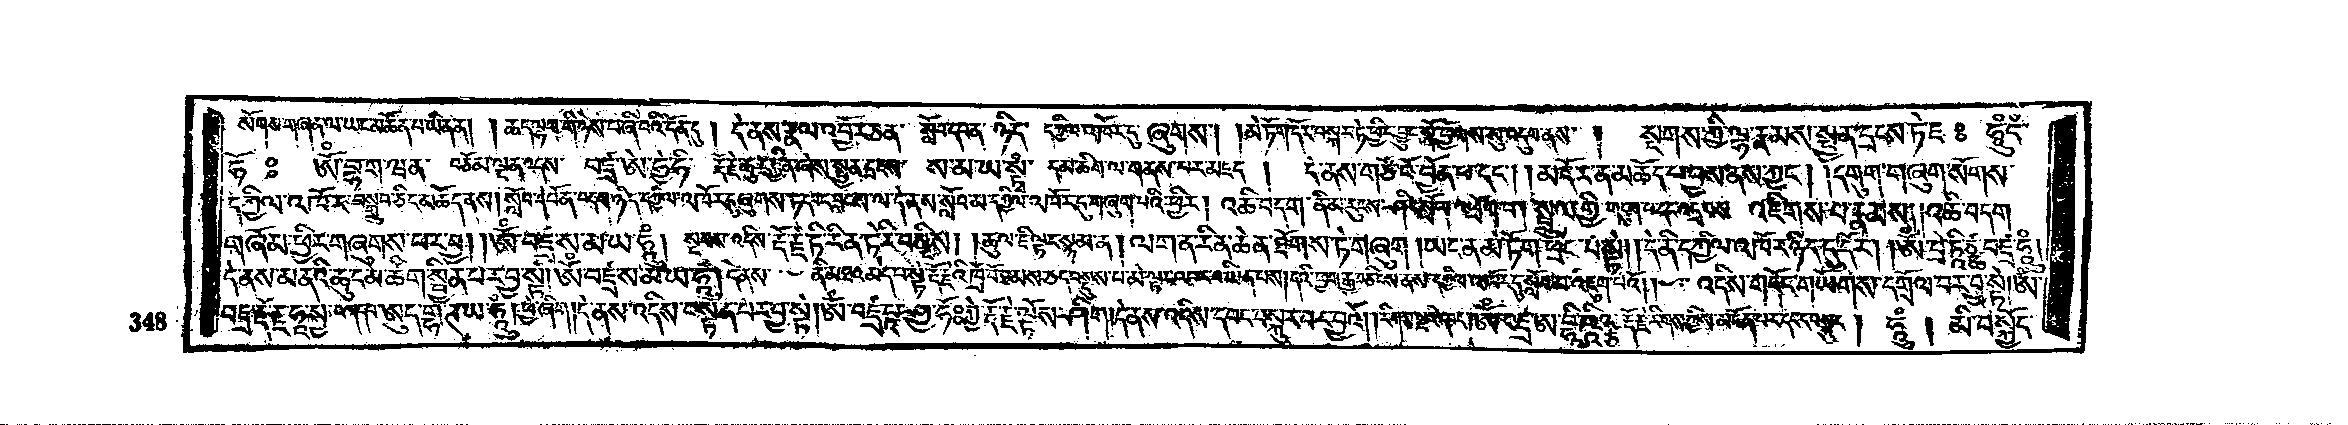སོགས་གཞན་ལ་ཡང་མཚོན་པ་ཡིན་ན། །ཆད་ལྷག་གི་ཉེས་པ་ཞི་བའི་དོན་དུ། དེ་ནས་རྣལ་འབྱོར་ཅན་སློབ་དཔོན་ཉིད་དཀྱིལ་འཁོར་དུ་ཞུགས། །མེ་ཏོག་དོར་བསྐོར་ཏེ་ཕྱིར་བྱུང་སྒོ་ཕྱོགས་སུ་འདུག་ནས། སྔགས་ཀྱི་ལྷ་རྣམས་སྤྱན་དྲངས་ཏ་ཇཿ ཧཱུཾ་བཾ་
ཧོཿ ཨོཾ་བྷ་ག་ཝན། བཅོམ་ལྡན་འདས་བཛྲ་ཨེ་ཧྱེ་ཧི་རྡོ་རྗེ་ཆུར་བྱིན་ཞེས་སྤྱན་དྲངས་ས་མ་ཡ་སྟྭཾ། དམ་ཚིག་ལ་གནས་པར་མཛད། དེ་ནས་གཙོ་བོ་བྱོན་པ་དང་། །མདོར་ན་མཆོད་པ་བྱས་ནས་ཀྱང་། །དགུག་གཞུག་སོགས་
དཀྱིལ་འཁོར་བསྒྲུབ་ཅིང་མཆོད་ནས། སློབ་དཔོན་བདག་ཉིད་དཀྱིལ་འཁོར་དུ་ཞུགས་ཏེ་དབང་བླངས་ལ་དེ་ནས་སློབ་མ་དཀྱིལ་འཁོར་དུ་གཞུག་པའི་ཕྱིར། འཆི་བདག་ནི་མ་རུངས་ཤིང་སྲོག་འཕྲོག་པ། སྦྲུལ་གྱི་གདུག་པ་དང་འདྲ་བས་འཇིགས་པ་རྣམས། །འཆི་བདག་
གཞོམ་ཕྱིར་གཞུགས་པར་བྱ། །ཨོཾ་བཛྲ་ས་མ་ཡ་ཧཱུཾ། སྡུགས་འདིས་རྡོ་རྗེ་ཏི་རིན་ཏི་རི་བཅིངས། །ཚུལ་ཇི་ལྟར་སྙམ་ན། ལག་ན་རིན་ཆེན་ཐོགས་ཏེ་གཞུག །ཡང་ན་མེ་ཏོག་ཕྲེང་བ་སྟེ། །དེ་ནི་དཀྱིལ་འཁོར་ཉིད་དུ་དོར། །ཨོཾ་པྲ་ཏཱི་ཙྪ་བཛྲ་ཧཱུཾ།
དེ་ནས་མནའི་?་ཆུ་ངམ་ཚིག་སྦྱིན་པར་བྱ་སྟེ། ཨོཾ་བཛྲ་ས་མ་ཡ་ཧཱུཾ། དེ་ནསཿ་ནི་མཐའ་མེད་པ་སྟེ་རྡོ་རྗེའི་ཁྲོ་བོ་ཐམས་ཅད་བསྡུས་པ་མེ་ལྟར་འབར་བ་ཡིན་པས། དའི་ཕྱག་རྒྱ་བཅིངས་ནས་དཀྱིལ་འཁོར་དུ་སློབ་མ་འཇུག་པའོ། །.H འདིས་གདོང་གཡོགས་དགྲོལ་བར་བྱ་སྟེ། ཨོཾ་
བཛྲ་རྡོ་རྗེ་ཧཱ་སྱ་བཞད་པ་ཨུད་གྷོ་ཊ་ཡ་ཧཱུཾ། ཕྱེ་ཞིག །དེ་ནས་འདིས་བསྟོན་པར་བྱ་སྟེ། ཨོཾ་བཛྲ་པཱ་ཤྱ་ཧོཿ ཀྱེ་རྡོ་རྗེ་ལྟོས་ཤིག །དེ་ནས་འདིས་དབང་བསྐུར་བར་བྱའོ། །རིགས་ལྔའི་དབང་། ཨོཾ་བཛྲ་ཨ་བྷི་ཥཱིཉྩ་རྡོ་རྗེ་རིགས་ཀྱིས་མངོན་པར་དབང་བསྐུར། ཧཱུཾ། མི་བསྐྱོད་